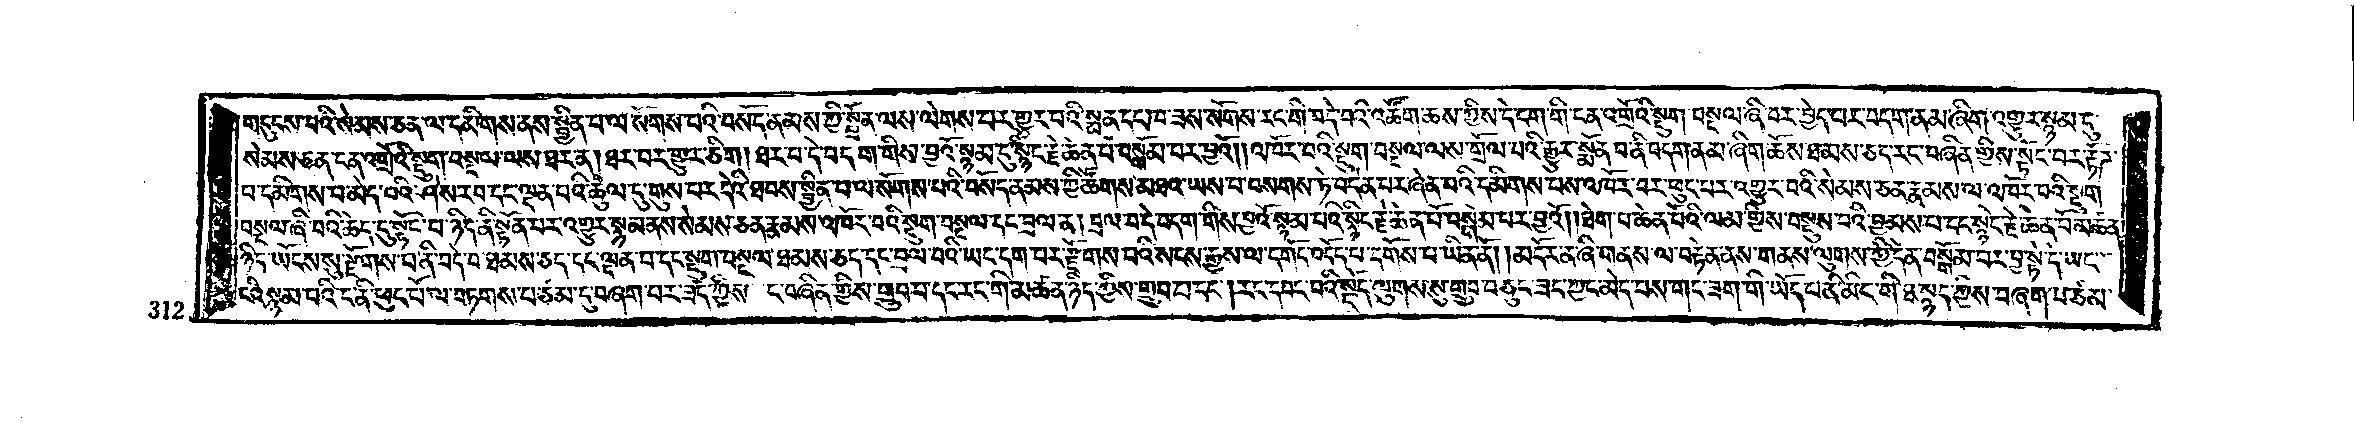གདུངས་པའི་སེམས་ཅན་ལ་དམིགས་ནས་སྦྱིན་པ་ལ་སོགས་པའི་བསོད་ནམས་ཀྱི་སྤྲོན་ལས་ལེགས་པར་གྱུར་པའི་སྨན་དང་ཁ་ཟས་སོགས་རང་གི་བདེ་བའི་འཚོག་ཆོས་ཀྱིས་དེ་དག་གི་ངན་འགྲོའི་སྡུག་བསྔལ་ཞི་བར་བྱེད་པར་བདག་ནམ་ཞིག་འགྱུར་སྙམ་དུ་
སེམས་ཅན་ངན་འགྲོའི་སྡུག་བསྔལ་ལས་ཐར་ན། ཐར་པར་གྱུར་ཅིག །ཐར་པ་དེ་བདག་གིས་བྱའོ་སྙམ་དུ་སྙིང་རྗེ་ཆེན་པོ་བསྒོམ་པར་བྱའོ། །འཁོར་བའི་སྡུག་བསྔལ་ལས་གྲོལ་བའི་རྒྱུར་སྨོན་པ་ནི་བདག་ནམ་ཞིག་ཆོས་ཐམས་ཅད་རང་བཞིན་གྱིས་སྟོང་བར་རྟོགས་
པ་དམིགས་པ་མེད་པའི་ཤིས་རབ་དང་ལྡན་པའི་ཚུལ་དུ་གུས་པར་དེའི་ཐབས་སྦྱིན་པ་ལ་སོགས་པའི་བསོད་ནམས་ཀྱི་ཚོགས་མཐའ་ཡས་པ་བསགས་ཏེ་བདེན་པར་ཞེན་པའི་དམིགས་པས་འཁོར་བར་ཕུང་པར་འགྱུར་བའི་སེམས་ཅན་རྣམས་ལ་འཁོར་བའི་སྡུག་
བསྔལ་ཞི་བའི་ཆེད་དུ་སྟོང་པ་ཉིད་ནི་སྟོན་པར་འགྱུར་སྙམ་ནས་སེམས་ཅན་རྣམས་འཁོར་བའི་སྡུག་བསྔལ་དང་བྲལ་ན། བྲལ་བ་དེ་བདག་གིས་བྱའོ་སྙམ་པའི་སྙིང་རྗེ་ཆེན་པོ་བསྒོམ་པར་བྱའོ། །ཐེག་པ་ཆེན་པོའི་ལམ་གྱིས་བསྡུས་པའི་བྱམས་པ་དང་སྙེད་རྗེ་ཆེན་པོ་མཚན་
ཉིད་ཡོངས་སུ་རྫོགས་པ་ནི་བདེ་བ་ཐམས་ཅད་དང་ལྡན་པ་དང་སྡུག་བསྔལ་ཐམས་ཅད་དང་བྲལ་བའི་ཡང་དག་པར་རྫོགས་པའི་སངས་རྒྱས་ལ་དགོད་འདོད་པ་དགོས་པ་ཡིན་ནོ། །མདོར་ན་ཞི་གནས་ལ་བརྟེན་ནས་གནས་ལུགས་ཀྱི་དོན་བསྒོམ་པར་བྱ་སྟེ་དེ་ཡང་
ངའི་སྙམ་པའི་ང་ནི་ཕུང་པོ་ལ་བཏགས་པ་ཙམ་དུ་བཞག་པར་ཟད་ཀྱིས་ང་བཞིན་གྱིས་གྲུབ་པ་དང་རང་གི་མཚན་ཉིད་ཀྱིས་གྲུབ་པ་དང་། རང་དབང་བའི་སྡོད་ལུགས་སུ་གྲུབ་པ་ཅུང་ཟད་ཀྱང་མེད་པས་གང་ཟག་གི་ཡོད་པ་ནི་མིང་གི་ཐ་སྙད་ཀྱིས་བཞག་པ་ཙམ་